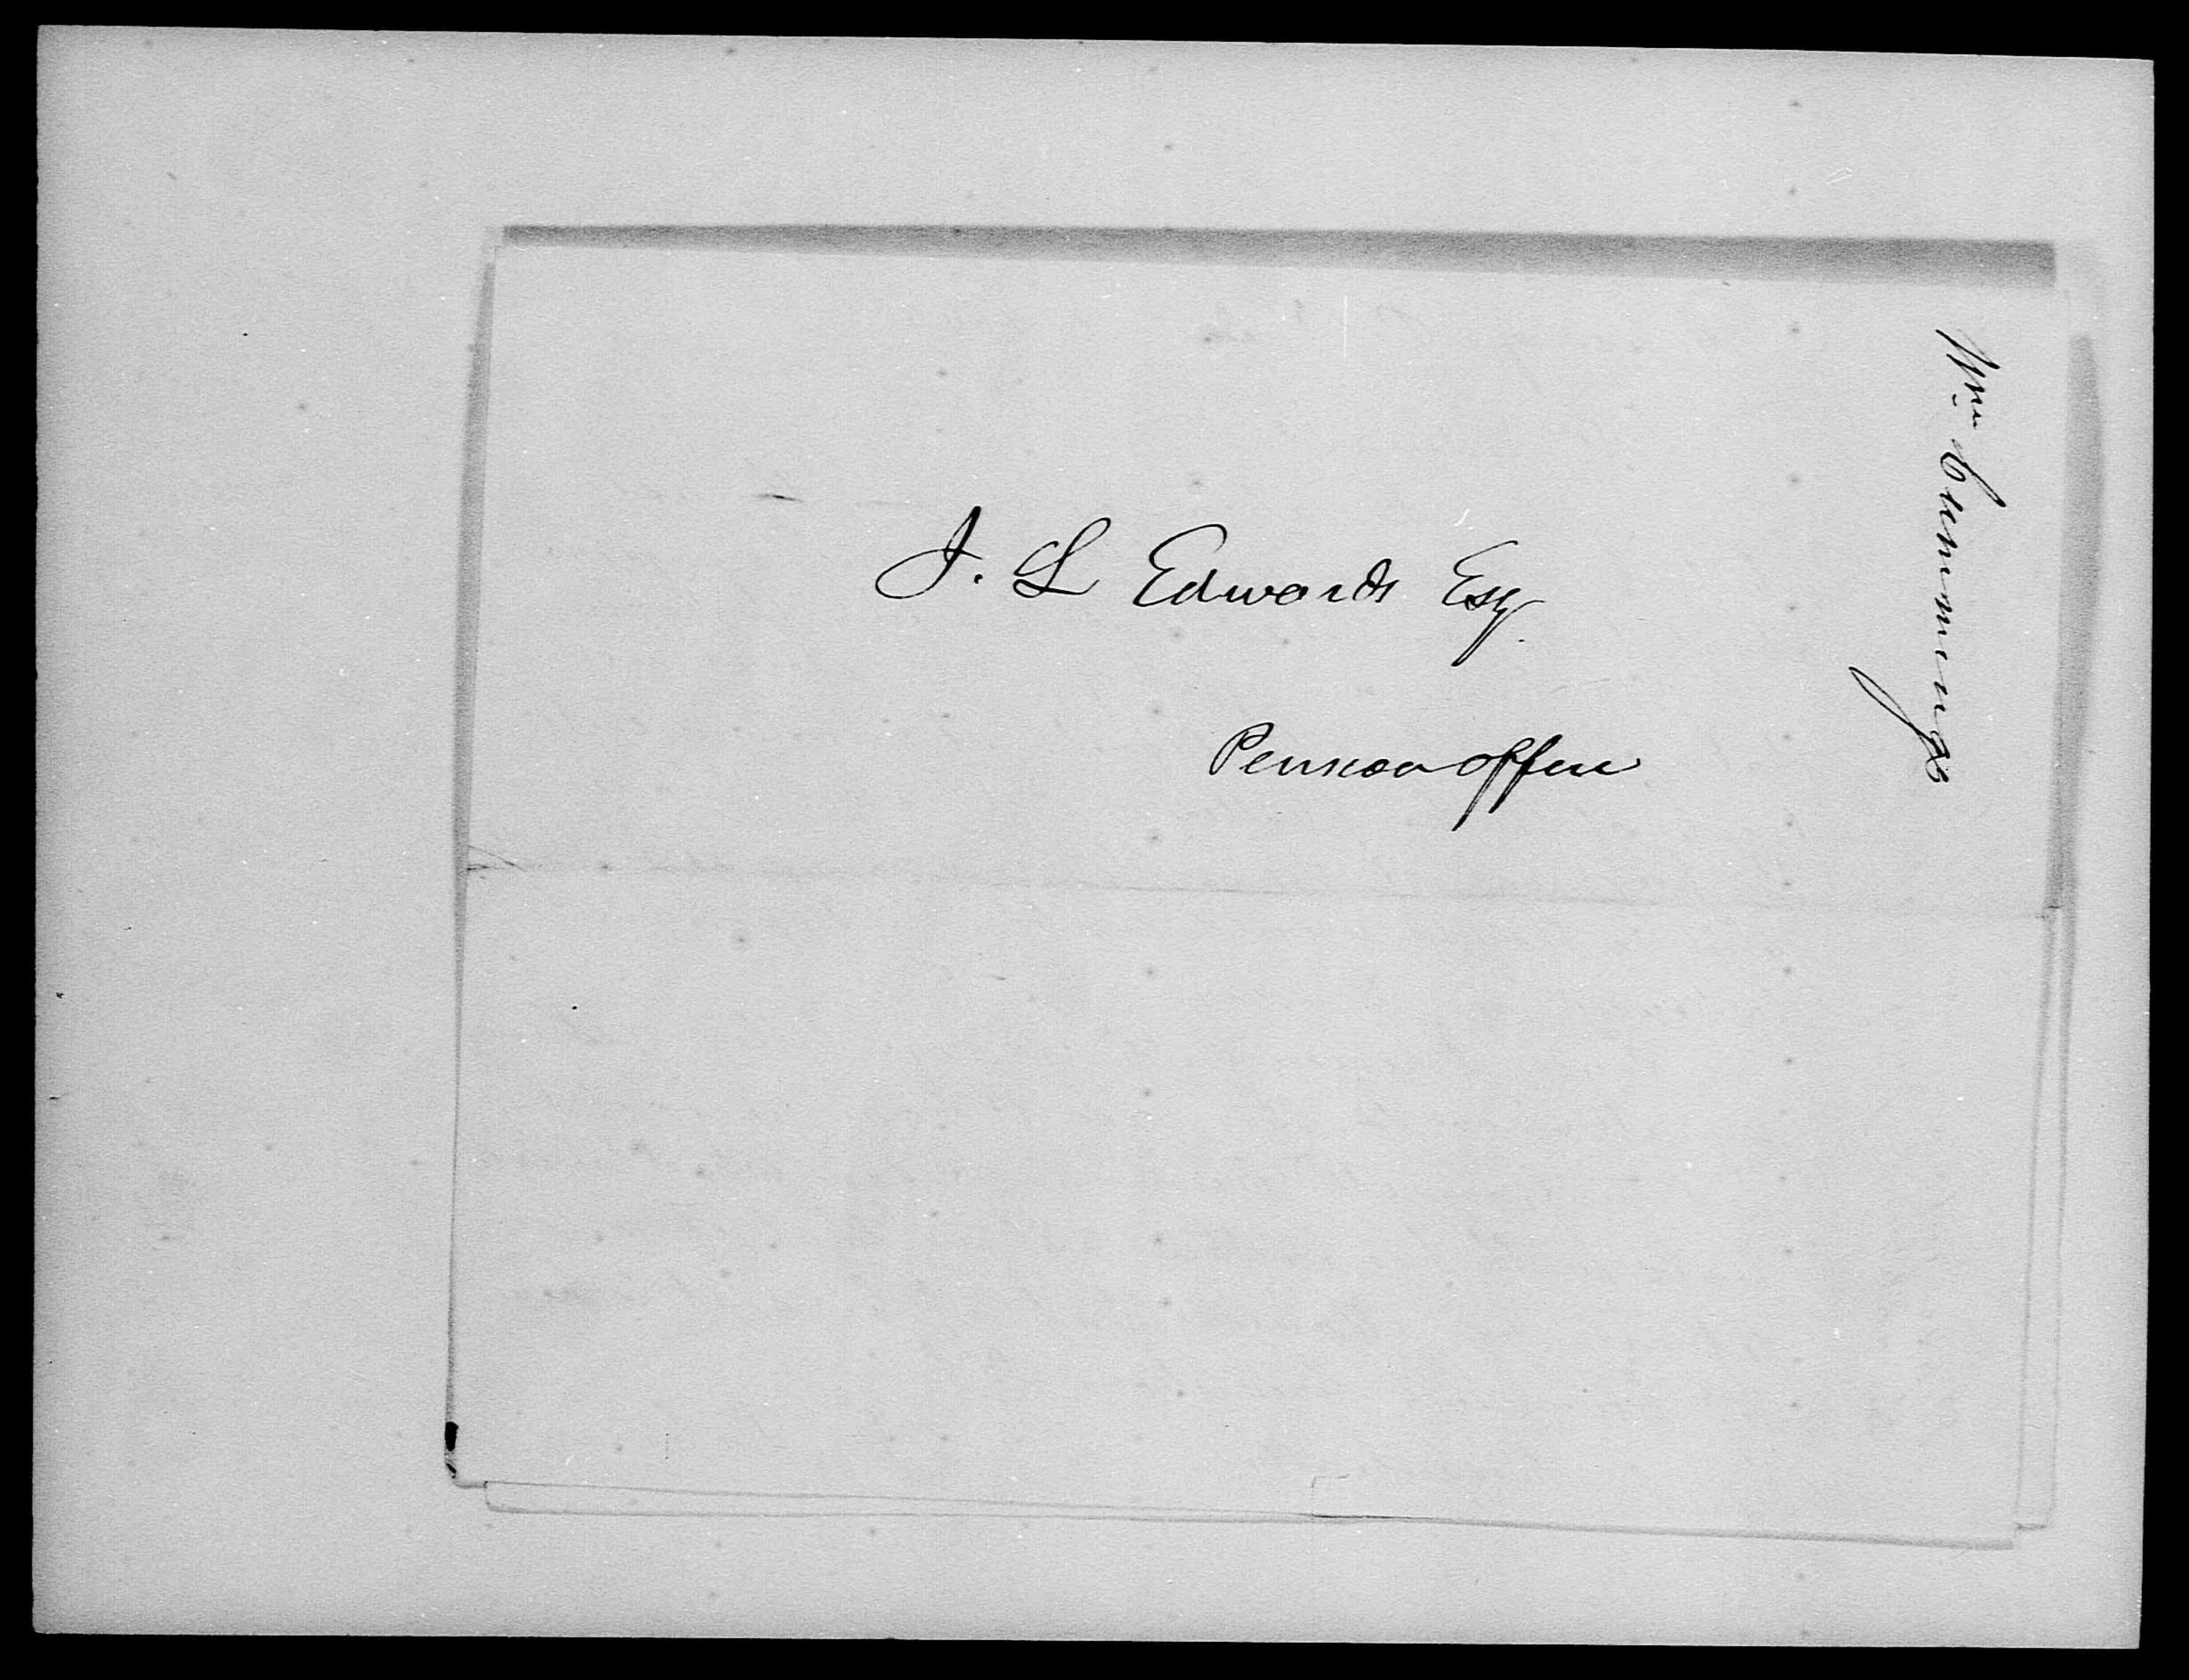[Handwritten address] 

J. L Edwards Esq [Esquire]
Pension office 

[Opposite, near the right page margin, there is written perpendicularly:] Wm Cummings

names: Wm Cummings, J L Edwards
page: 113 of 145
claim: survivor's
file: S. 8265, William Cumming, N.C.